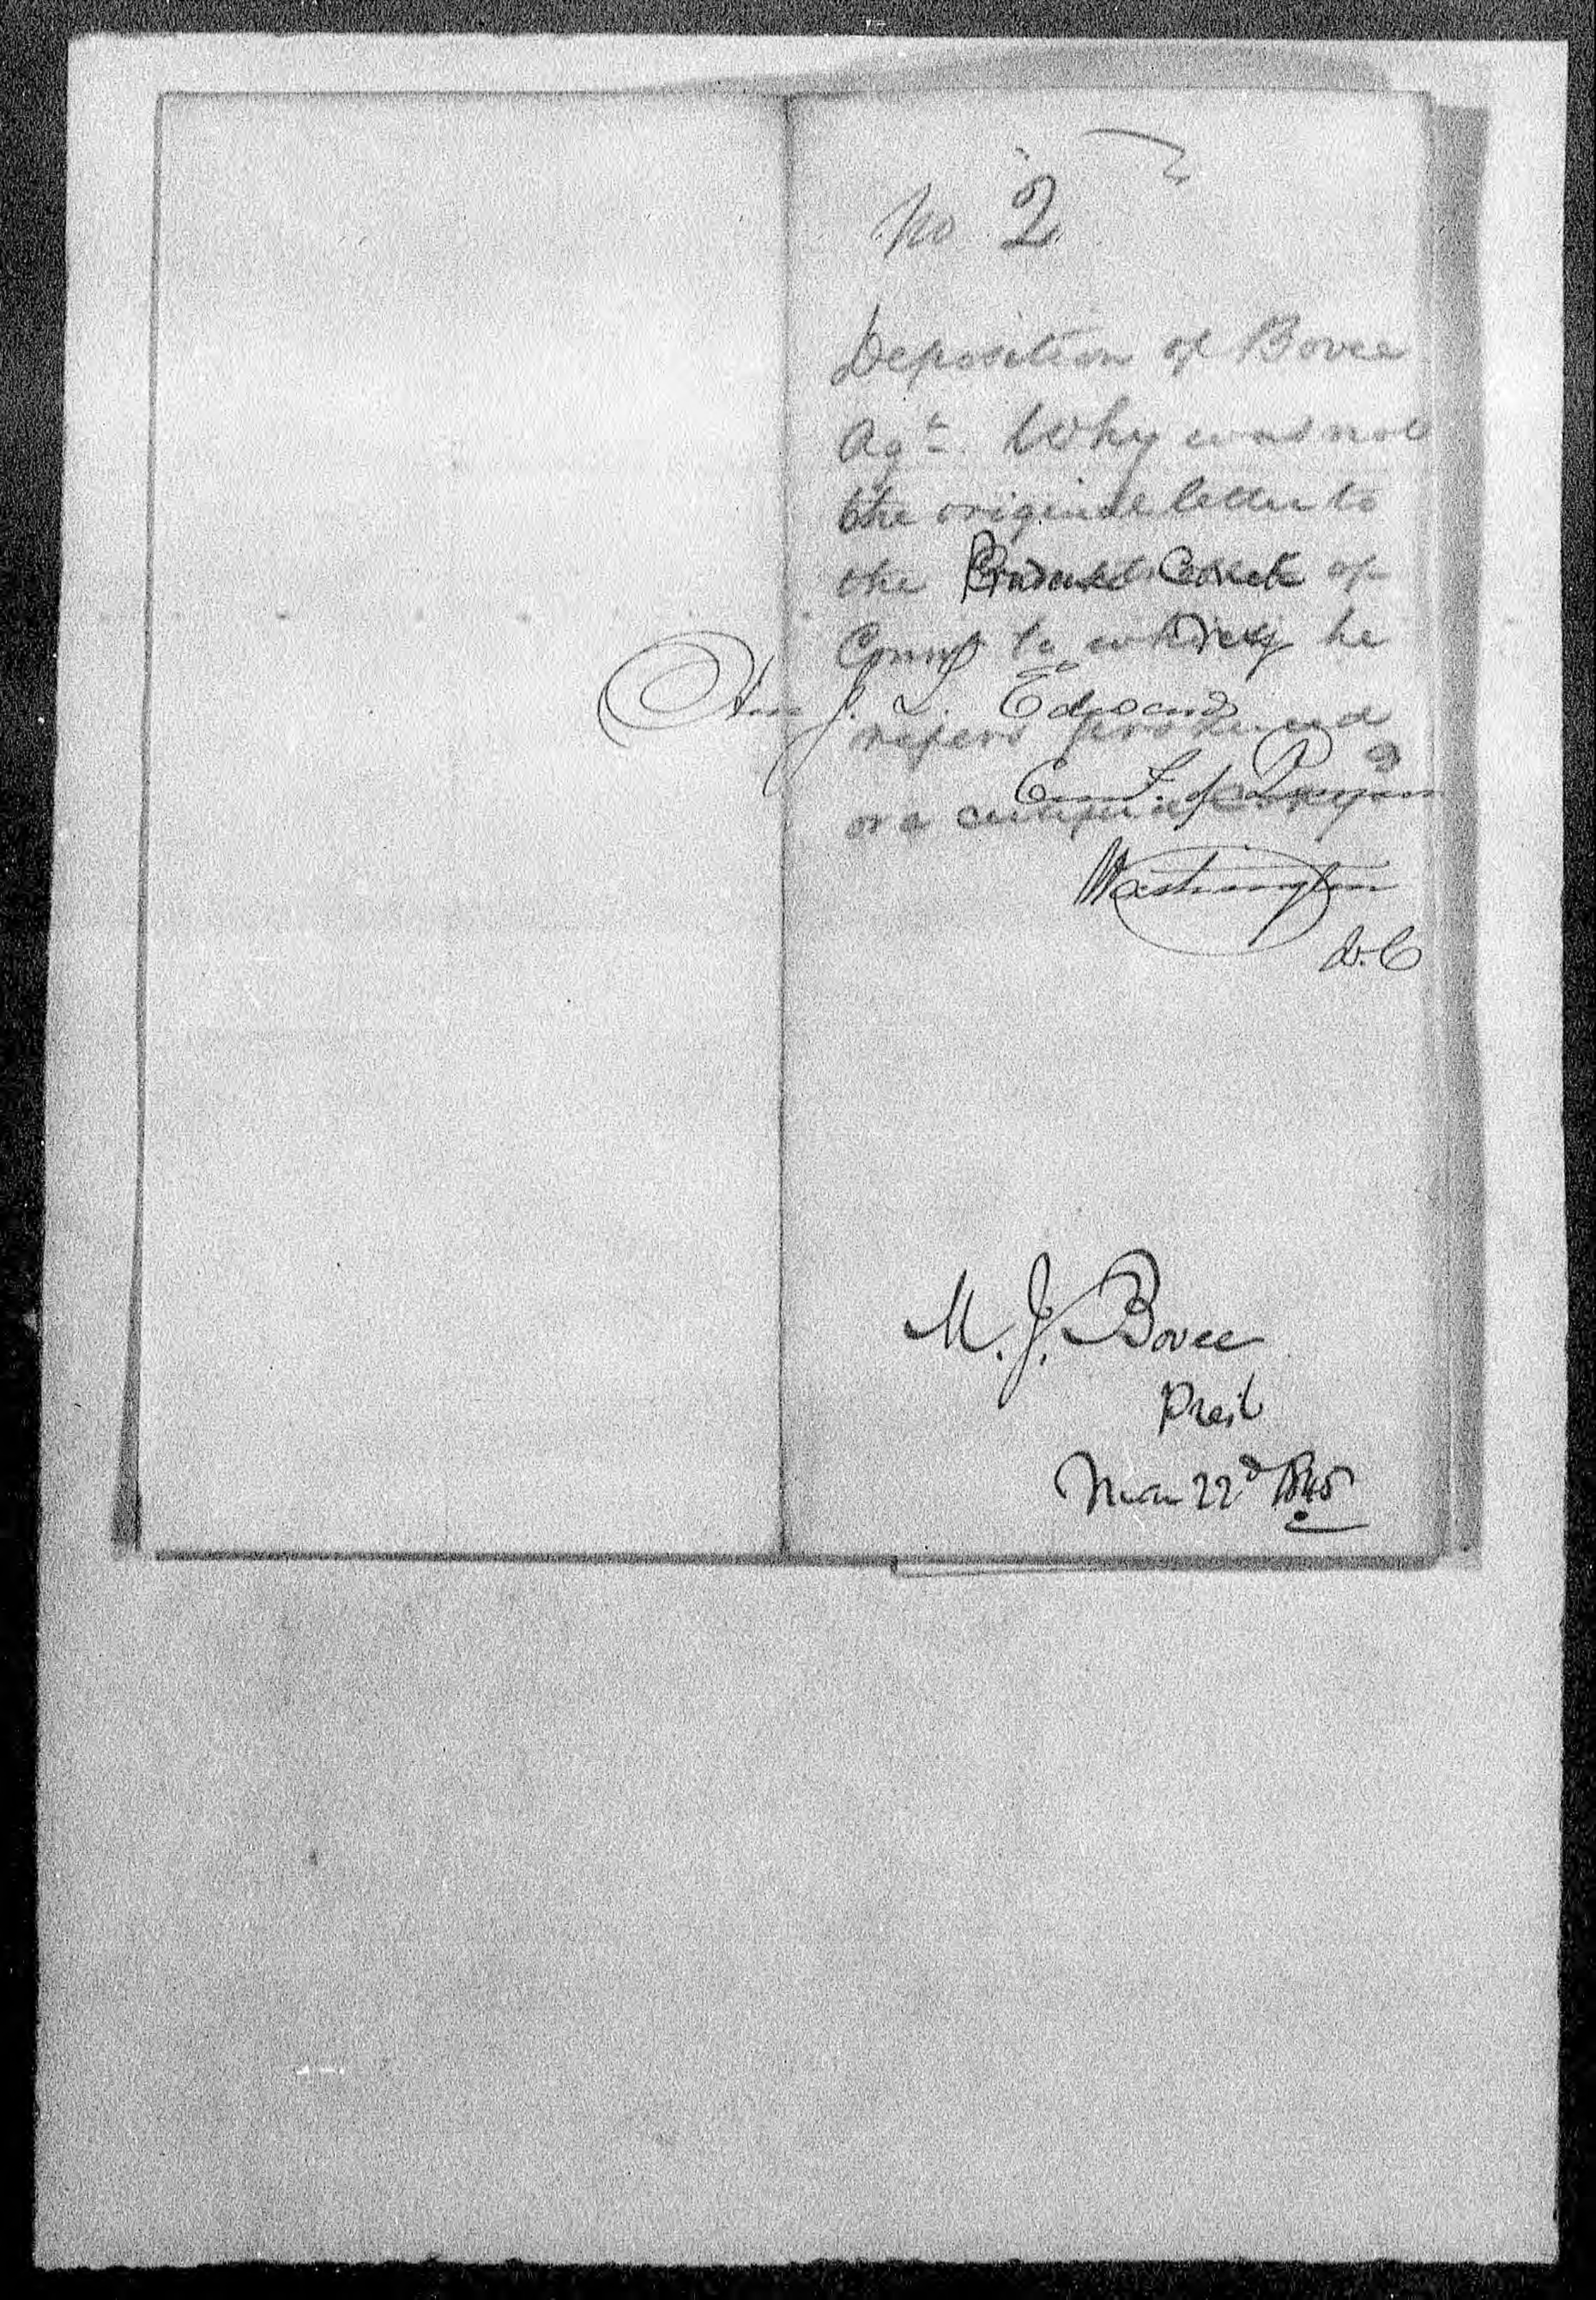No. 2

Deposition of Bovee Agt. Why was not the original letter to the Prudence couch of Connecticut as to why he never produced or a certificate copy?
Hon. J. L. Edwards
Comm. of Pensions
Washington D.C.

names: M J Bovee, J L Edwards, Prudence Couch, Bovee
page: 63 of 68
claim: rejected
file: R. 2,360, John Couch, Conn.